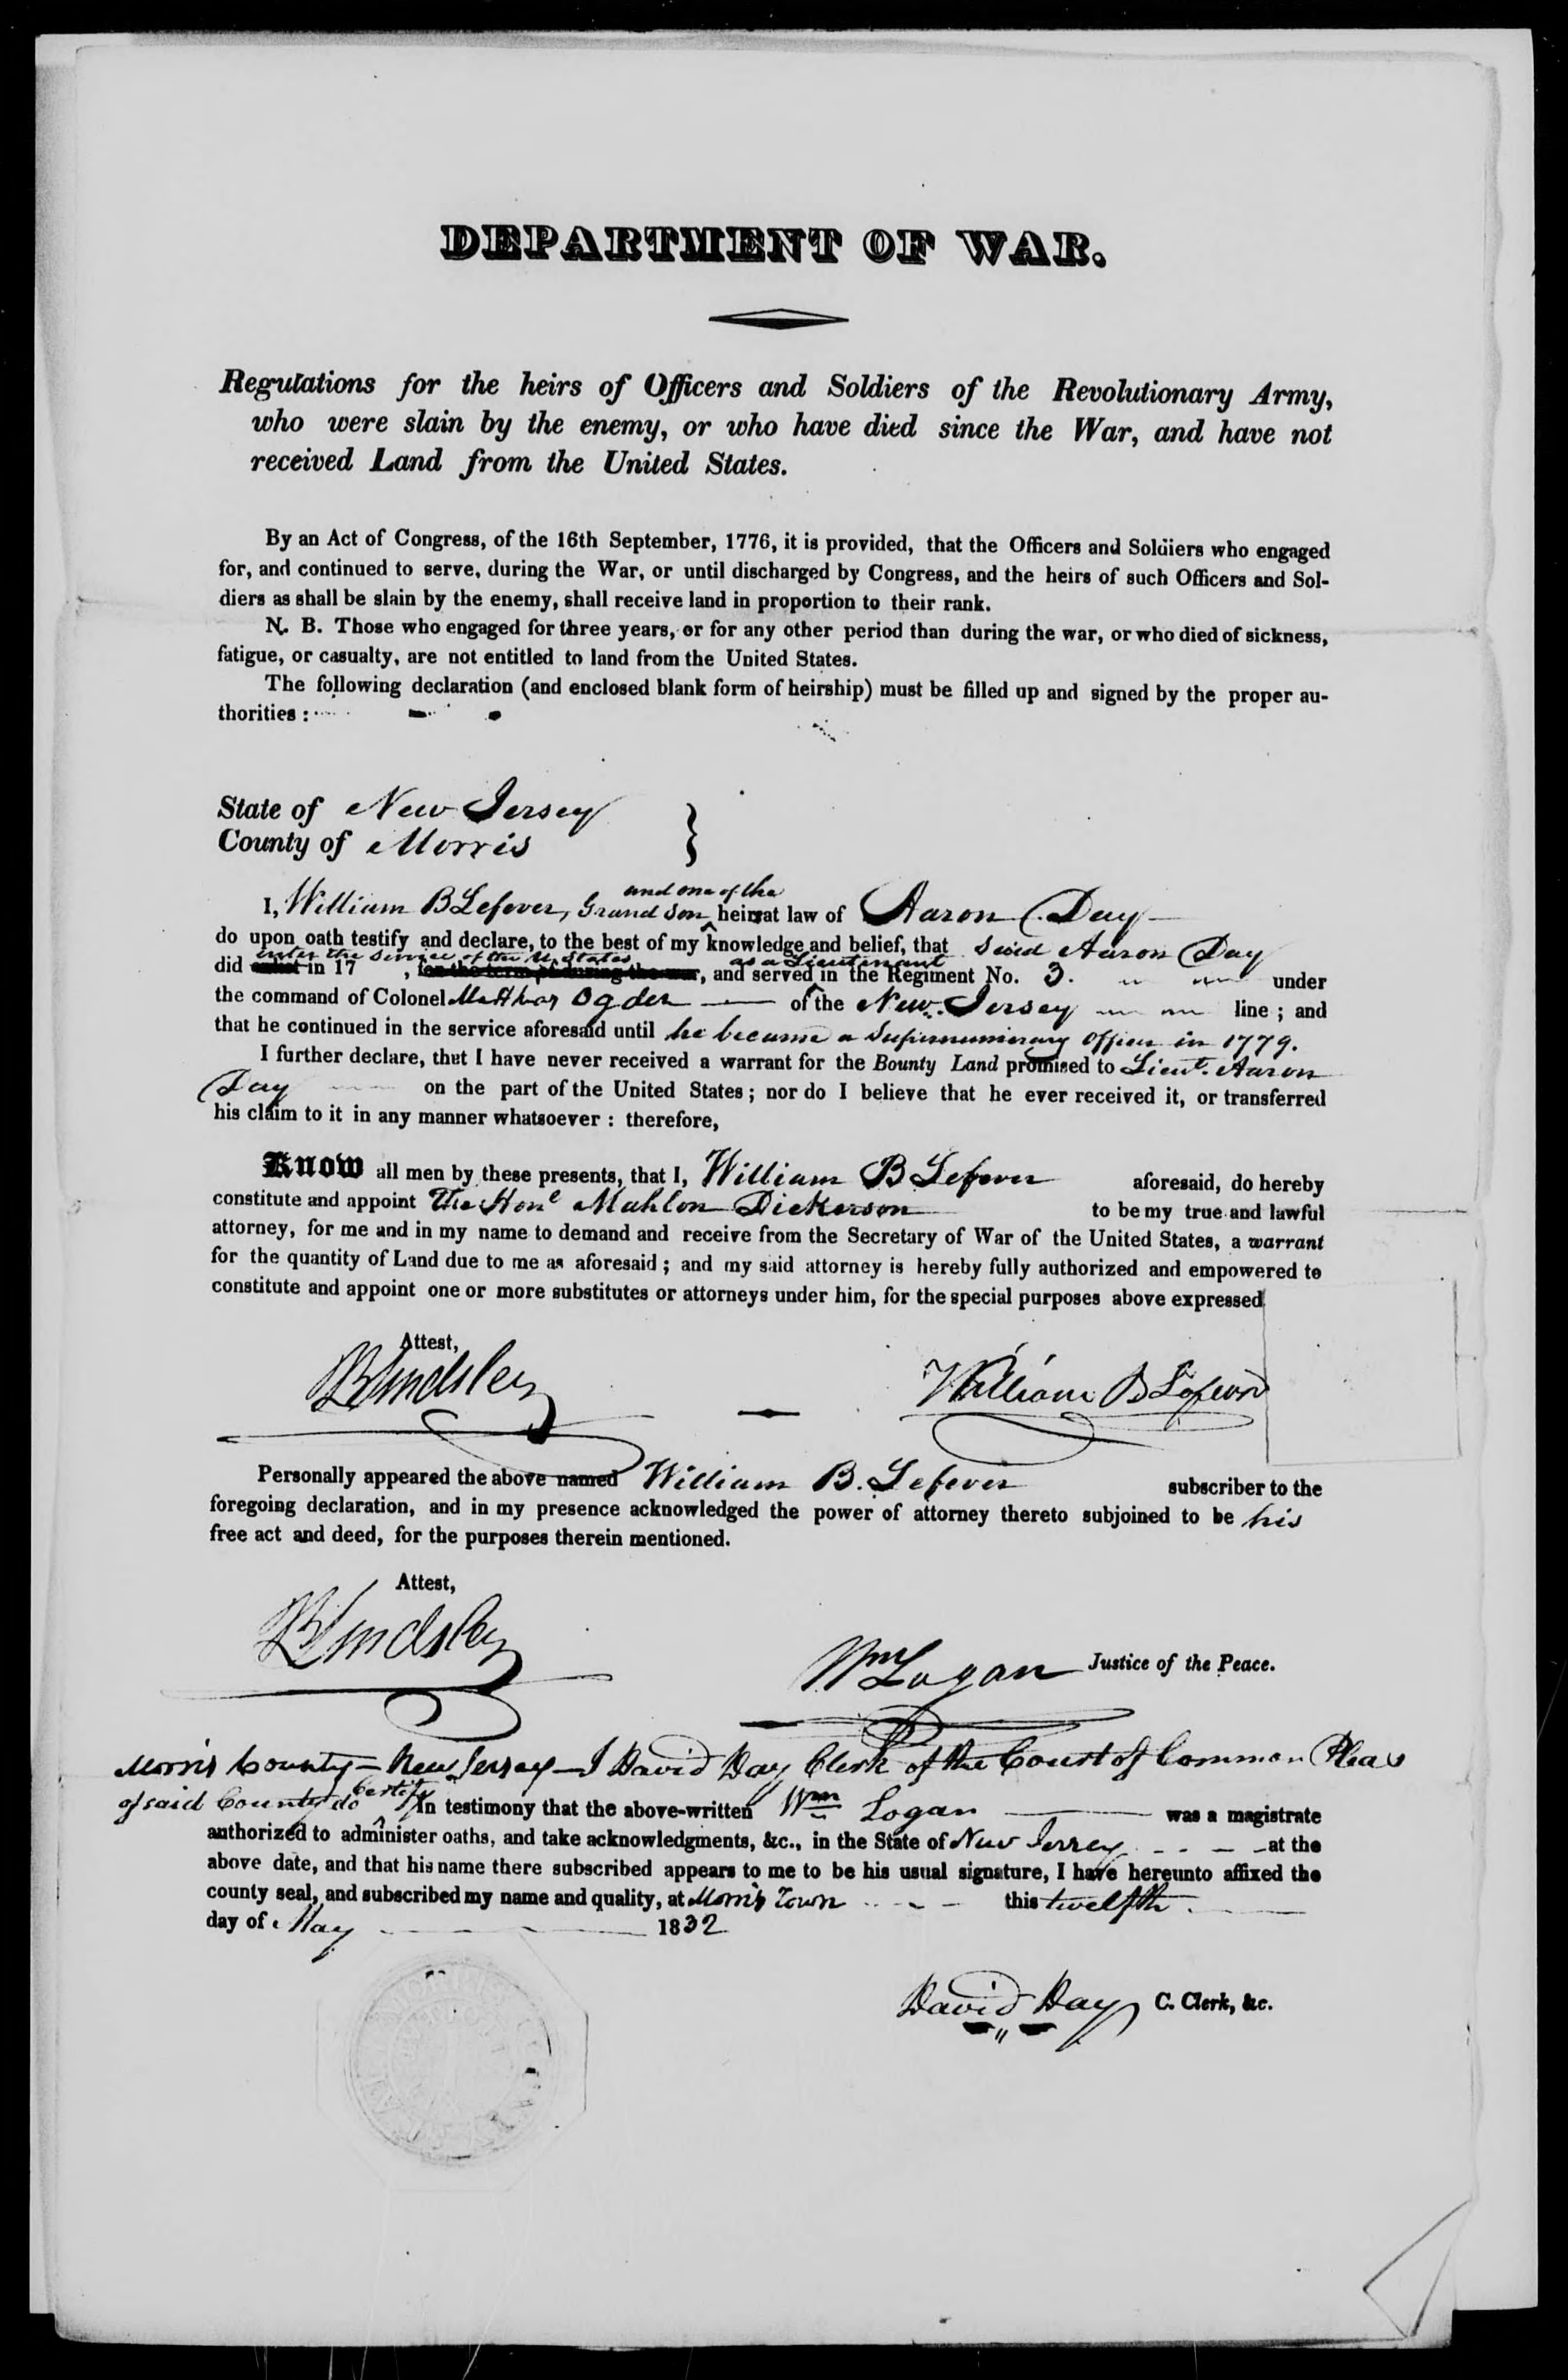[typed form with handwritten entries]
Regulations for the heirs of Officers and Soldiers of the Revolutionary Army, who were slain by the enemy, or who have died since the War, and have not received Land from the United States.
By an Act of Congress, of the 16th September, 1776, it is provided, that the Officers and Soldiers who engaged for, and continued to serve, during the War, or until discharged by Congress, and the heirs of such Officers and Soldiers as shall be slain by the enemy, shall receive land in proportion to their rank.
N. B. Those who engaged for three years, or for any other period than during the war, or who died of sickness, fatigue, or casualty, are not entitled to land from the United States.
The following declaration (and enclosed blank form of heirship) must be filled up and signed by the proper authorities:
State of New jersey
County of Morris
I, William B Lefever, Grand Son and one of the heirs at law of Aaron Day do upon oath testify and declare, to the best of my knowledge and belief, that Said Aaron Day did [word crossed out] enter the service of the U. States in 17[blank], [phrase crossed out], and served ["as a Lieutenant" inserted] in the Regiment No. 3 under the command of Colonel Matthias Ogden of the New Jersey line; and that he continued in the service aforesaid until he became a Supernumerary Officer in 1779.
I further declare, that I have never received a warrant for the Bounty Land promised to Lieut. Aaron Day on the part of the United States; nor do I believe that he ever received it, or transferred his claim to it in any manner whatsoever; therefore,
Know all men by these presents, that I, William B Lefever aforesaid, do hereby constitute and appoint the Hon. Mahlon Dickerson to be my true and lawful attorney, for me and in my name to demand and receive from the Secretary of War of the United States, a warrant for the quantity of Land due to me as aforesaid; and my said attorney is hereby fully authorized and empowered to constitute and appoint one or more substitutes or attorneys under him, for the special purposes above expressed.
Attest, 
[signatures] B Lindsley  William B Lefever
Personally appeared the above named William B. Lefever subscriber to the foregoing declaration, and in my presence acknowledged the power of attorney thereto subjoined to be his free act and deed, for the purposes therein mentioned.
Attest,
[signatures] B Lindsley  Wm Logan Justice of the Peace.
Morris County - New Jersey - I David Day Clerk of the Court of Common Pleas of said County do Certify In testimony that the above-written Wm Logan was a magistrate authorized to administer oaths, and take acknowledgments, &c., in the State of New Jersey at the above date, and that his name there subscribed appears to me to be his usual signature, I have hereunto affixed the county seal, and subscribed my name and quality, at Morris Town this twelfth day of May 1832
[seal]  [signed] David Day C. Clerk, &c.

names: David Day, B Lindsley, David Day, B Lindsley, William B Lefever, Aaron Day, Aaron Day, William B Lefever, Matthias Ogden, William B Lefever, William B Lefever, Mahlon Dickerson, Aaron Day, Wm Logan, Wm Logan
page: 4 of 15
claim: bounty land warrant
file: B. L. Wt. 1849-200, Aaron Day, New Jersey